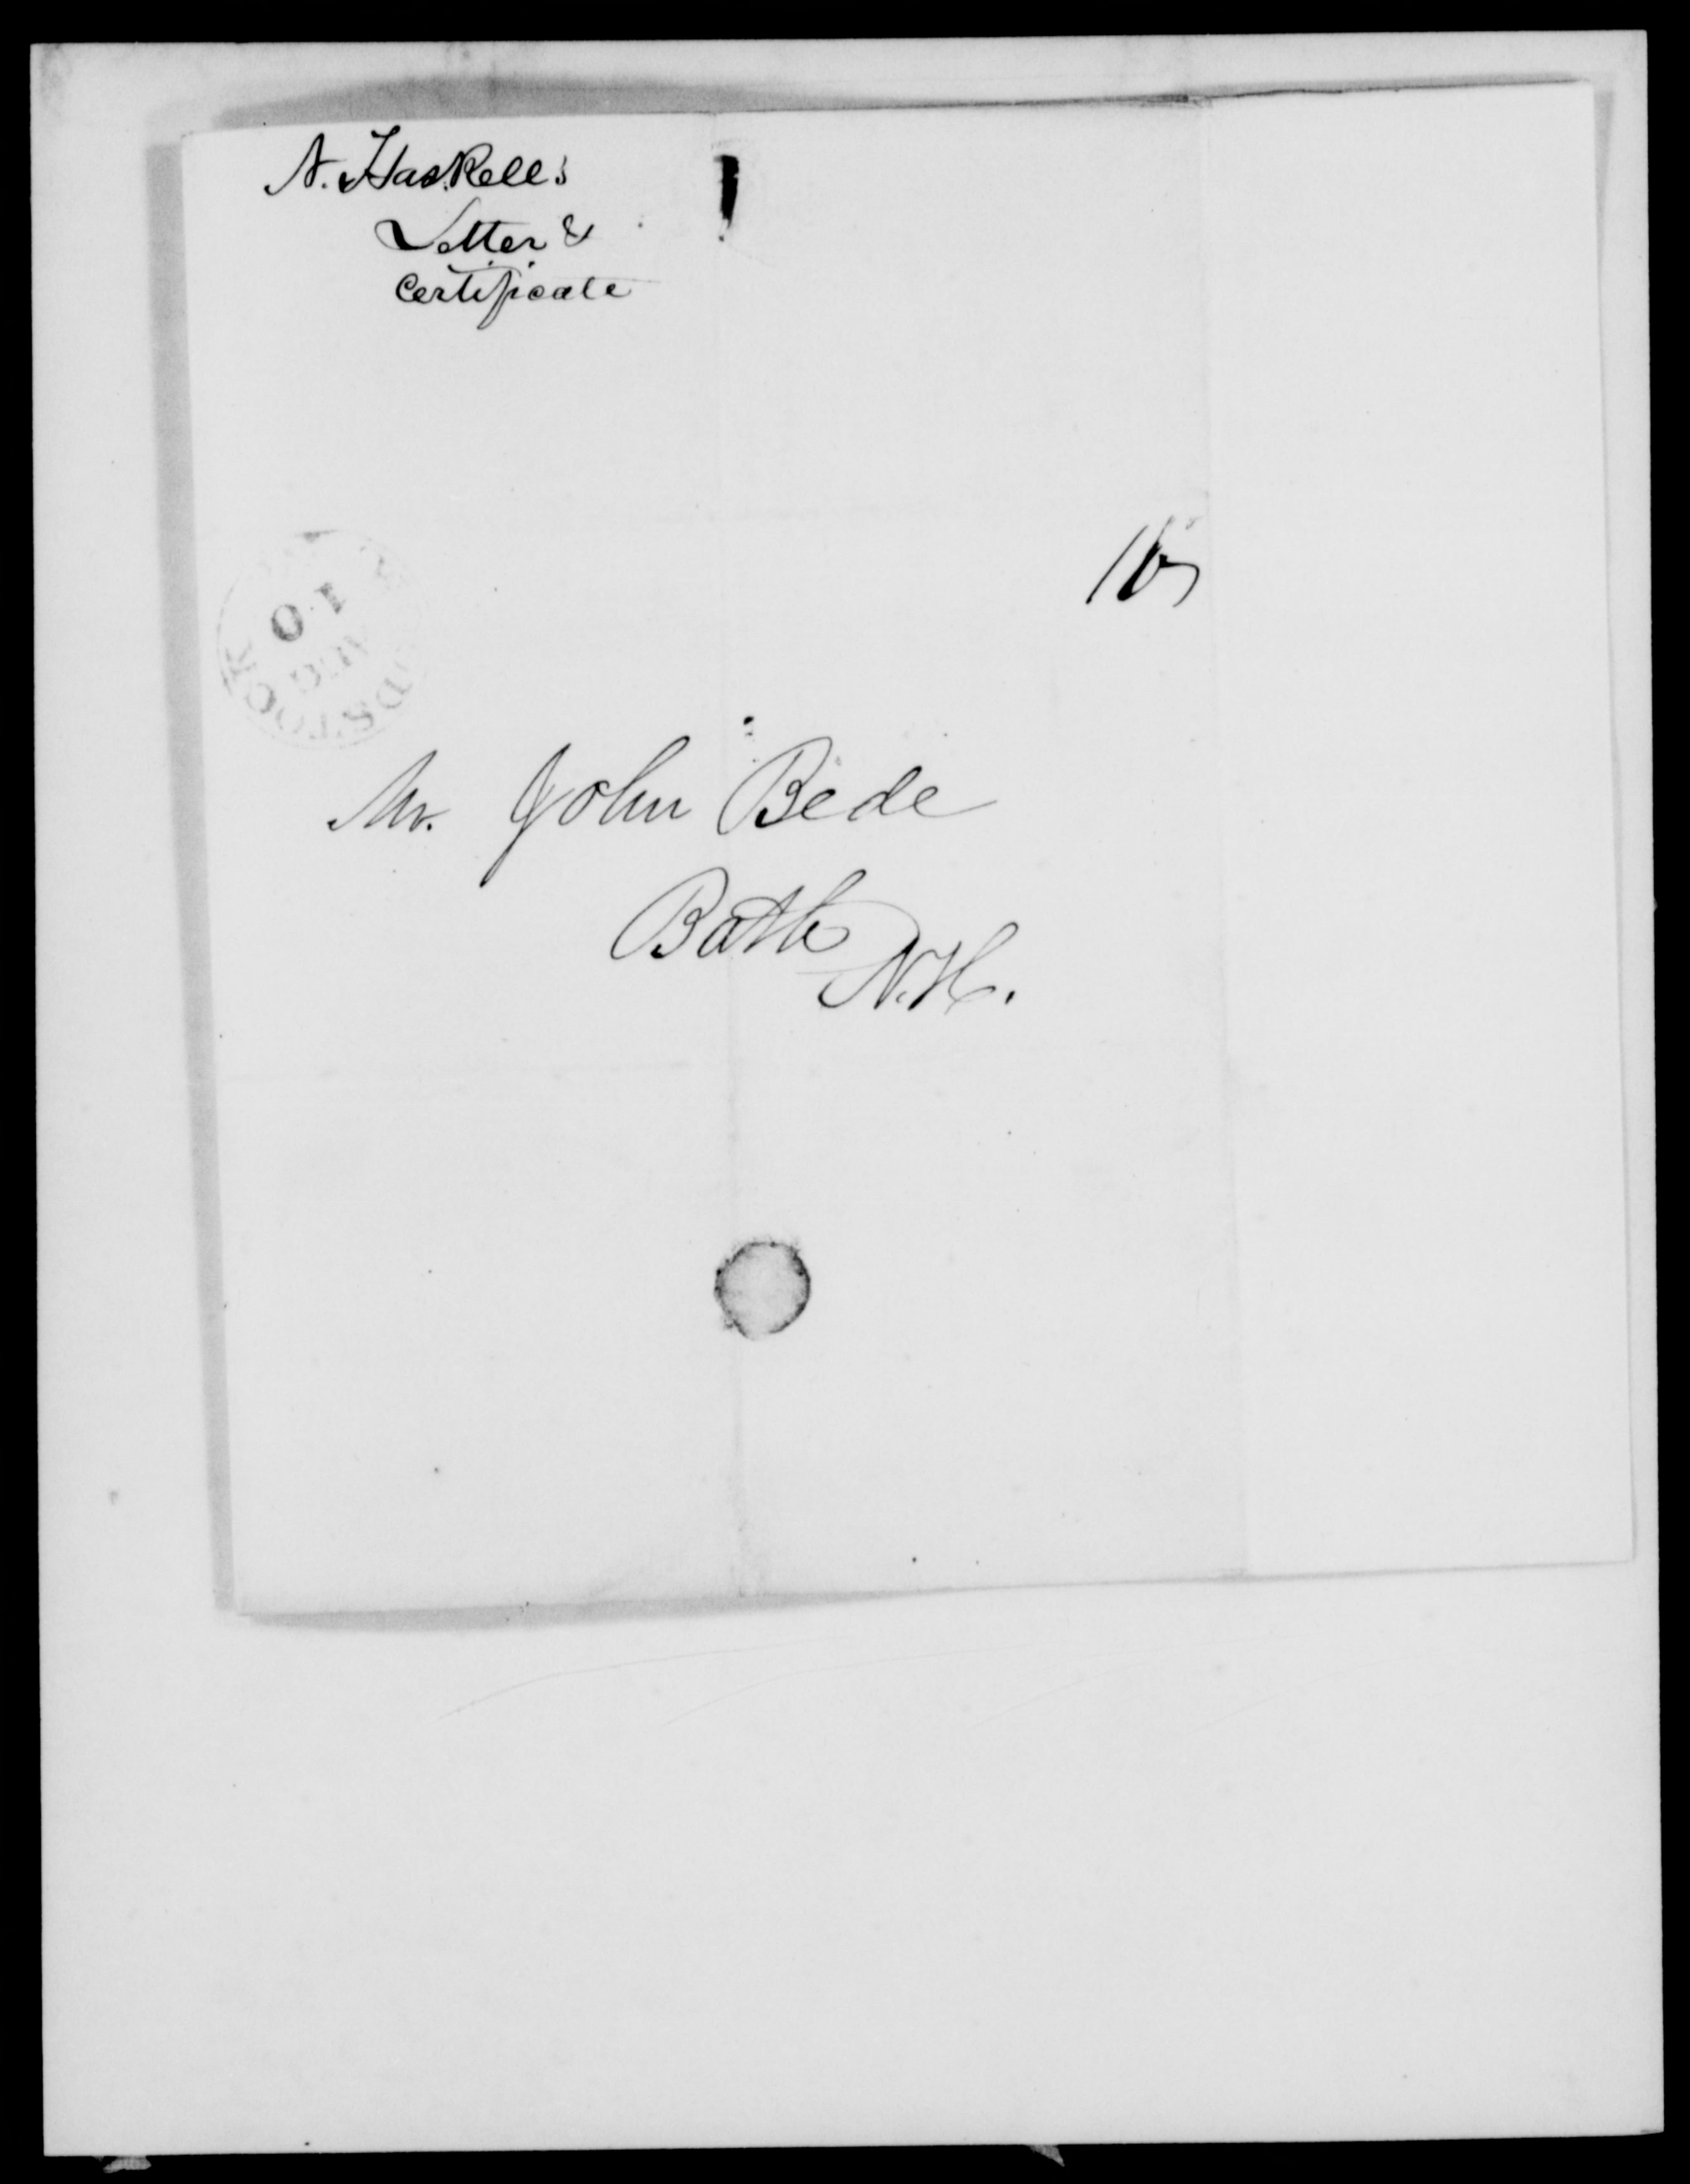N. Haskell
Letter &
certificate
[unintelligible]
Mr. John Bede
Bath
N. H.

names: John Bede, N Haskell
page: 29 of 78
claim: widow's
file: W. 25856, Samuel Way, N.H.